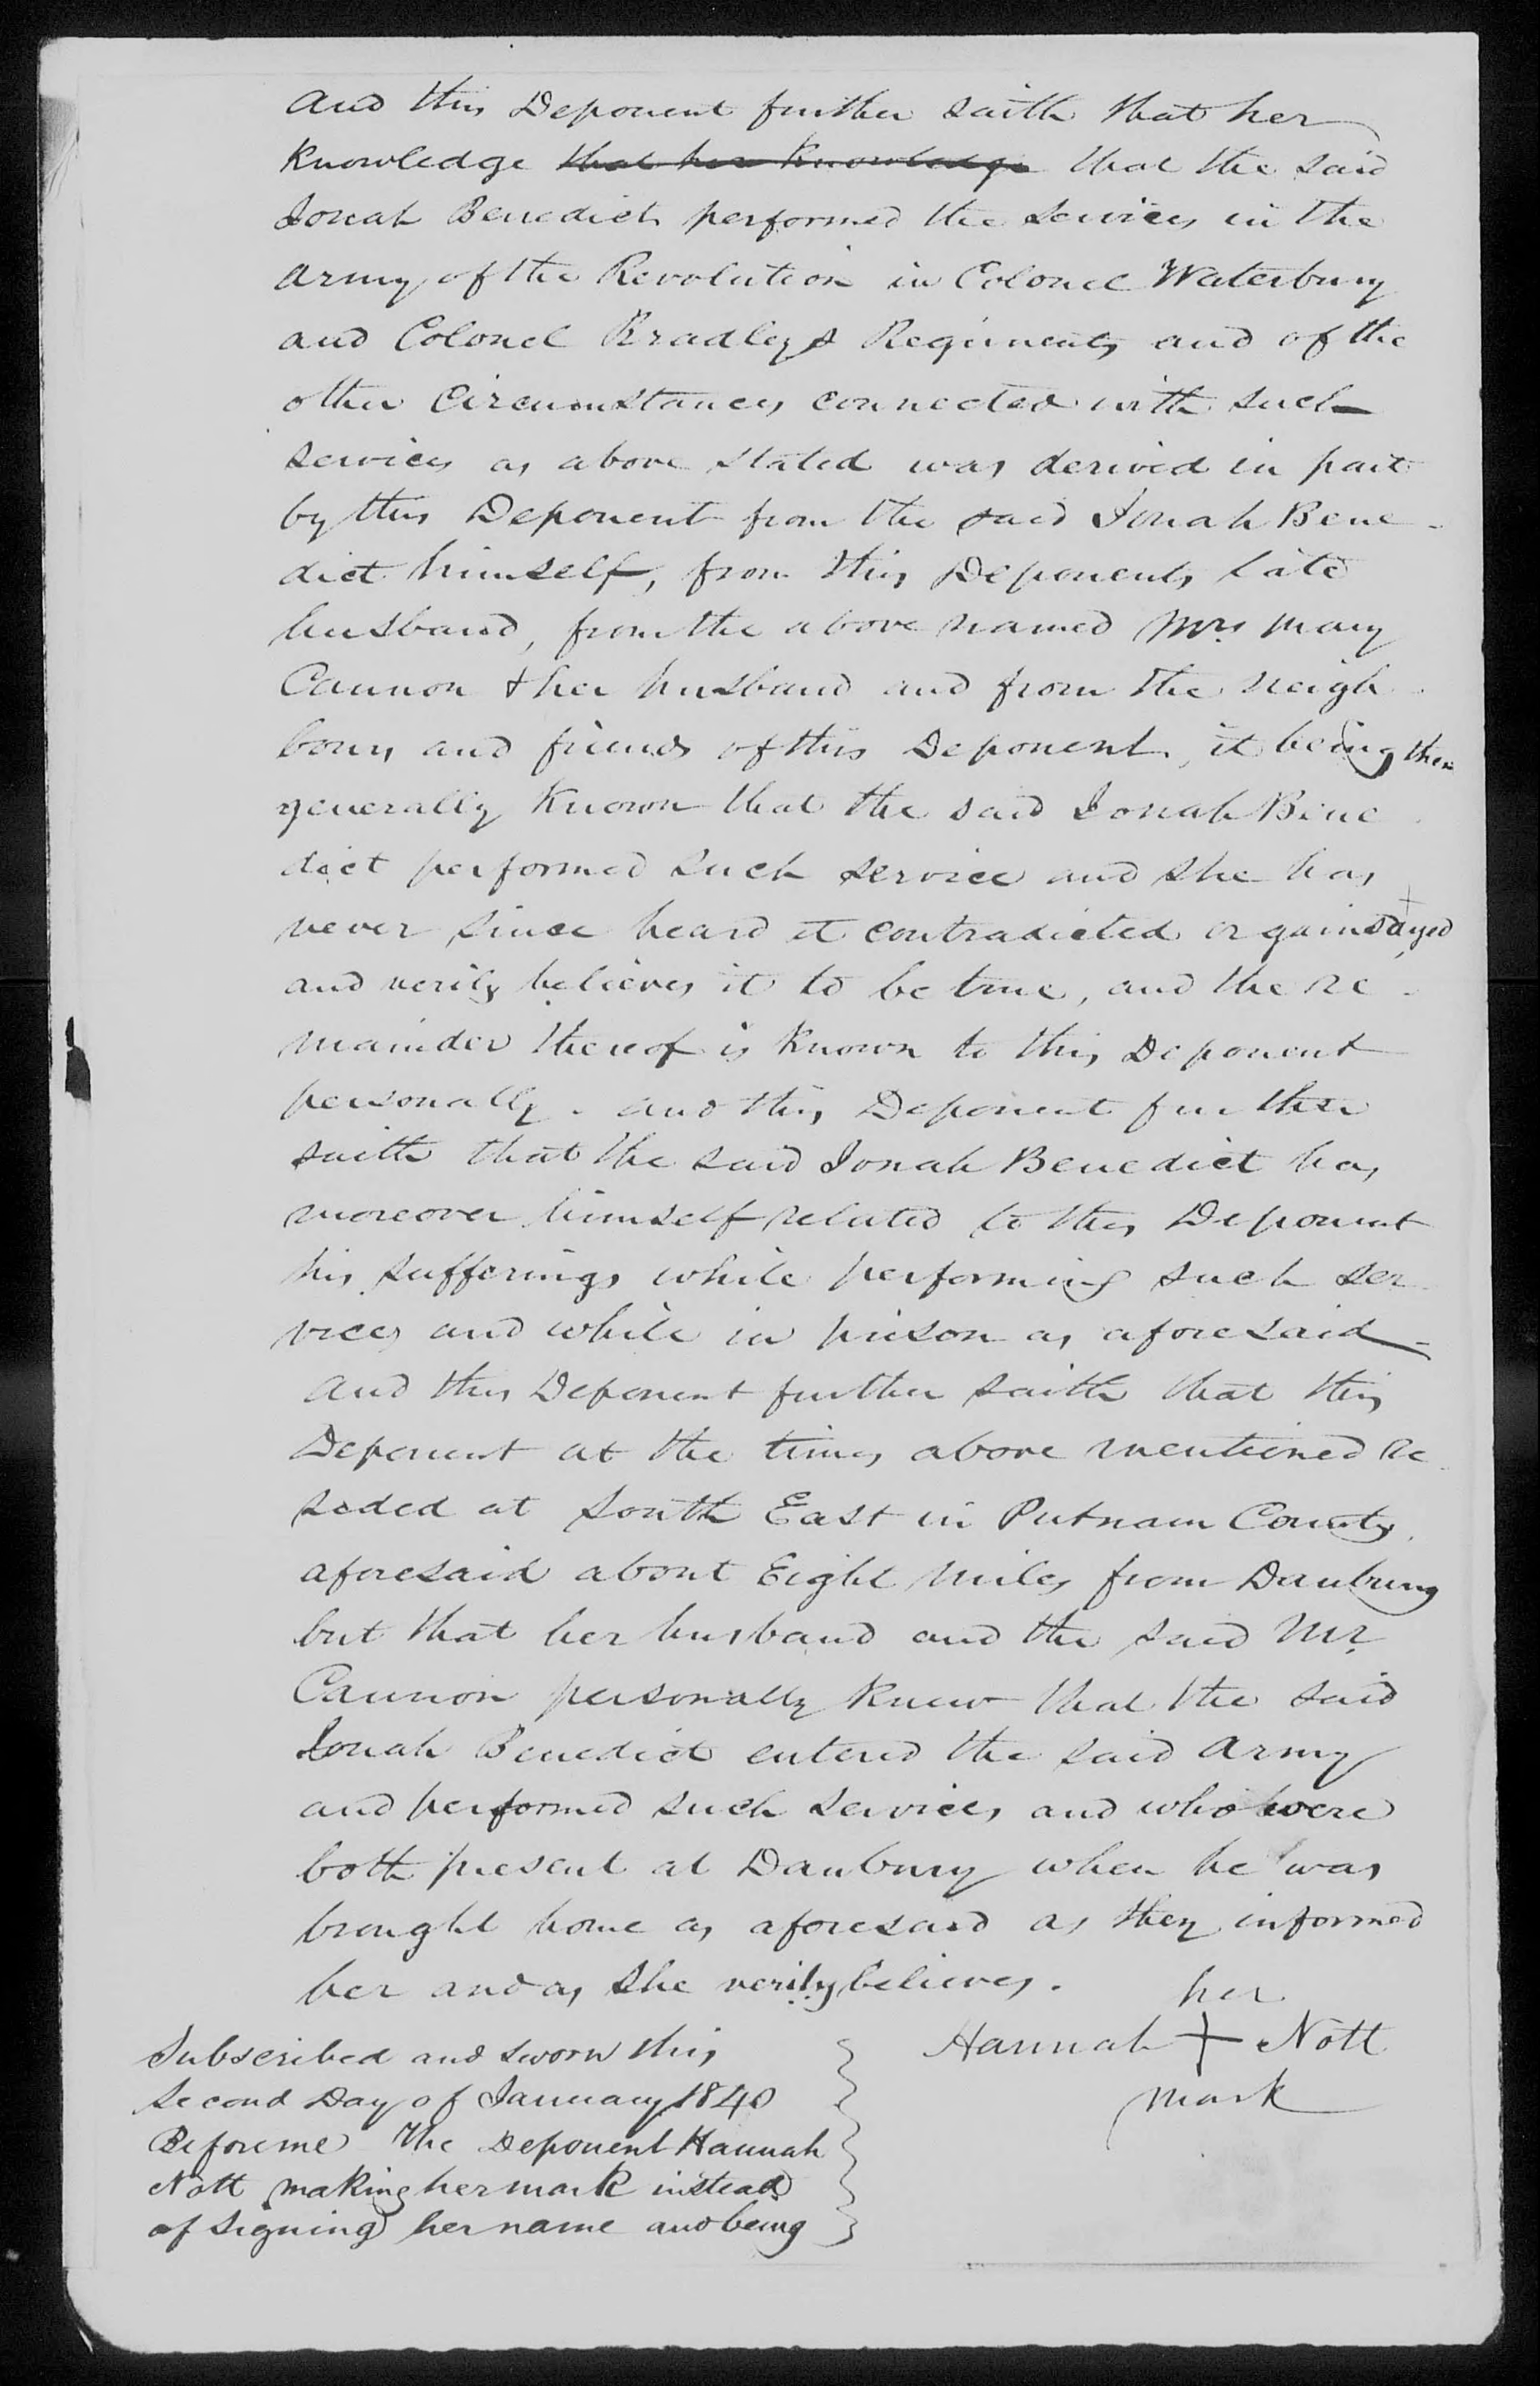and this Deponent further saith that her
knowledge (that) that the said
Jonah Benedict performed the services in the
Army of the Revolution in Colonel Waterbury
and Colonel Bradleys Regiments and of the
other circumstances connected with such
services as above stated was derived in part
by this Deponent from the said Jonah Bene-
dict himself, from this deponents late
husband, from the above named Mrs Mary
Cannon & her husband and from the neigh-
bours and friends of this deponent it being then
generally known that the said Jonah Bene-
dict performed such service and she has
never since heard it contradicted or gainsayed
and verily believes it to be true, and the re-
mainder thereof is known to this Deponent
personally, and this Deponent further
saith that the said Jonah Benedict has
moreover himself related to this Deponent
his sufferings while performing such ser-
vice and while in prison as aforesaid
and this Deponent further saith that this
Deponent at the time above mentioned re-
sided at South East in Putnam County
aforesaid about eight miles from Danbury
but that her husband and the said Mr
Cannon personally knew that the said
Jonah Benedict entered the said Army
and performed such service, and who were
both present at Danbury when he was
brought home as aforesaid as they informed
her and as she verily believes.
                                                                      her   
Subscribed and sworn this               Hannah  X Nott 
Second Day of January 1840                       mark
Before me the Deponent Hannah
Nott making her mark instead
of signing her name and being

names: Jonah Benedict, Hannah Nott, Jonah Benedict, Mary Cannon, Jonah Benedict, Jonah Benedict, Jonah Benedict, Hannah Nott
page: 11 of 56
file: [ILLEGIBLE], Jonah Benedict, Conn.